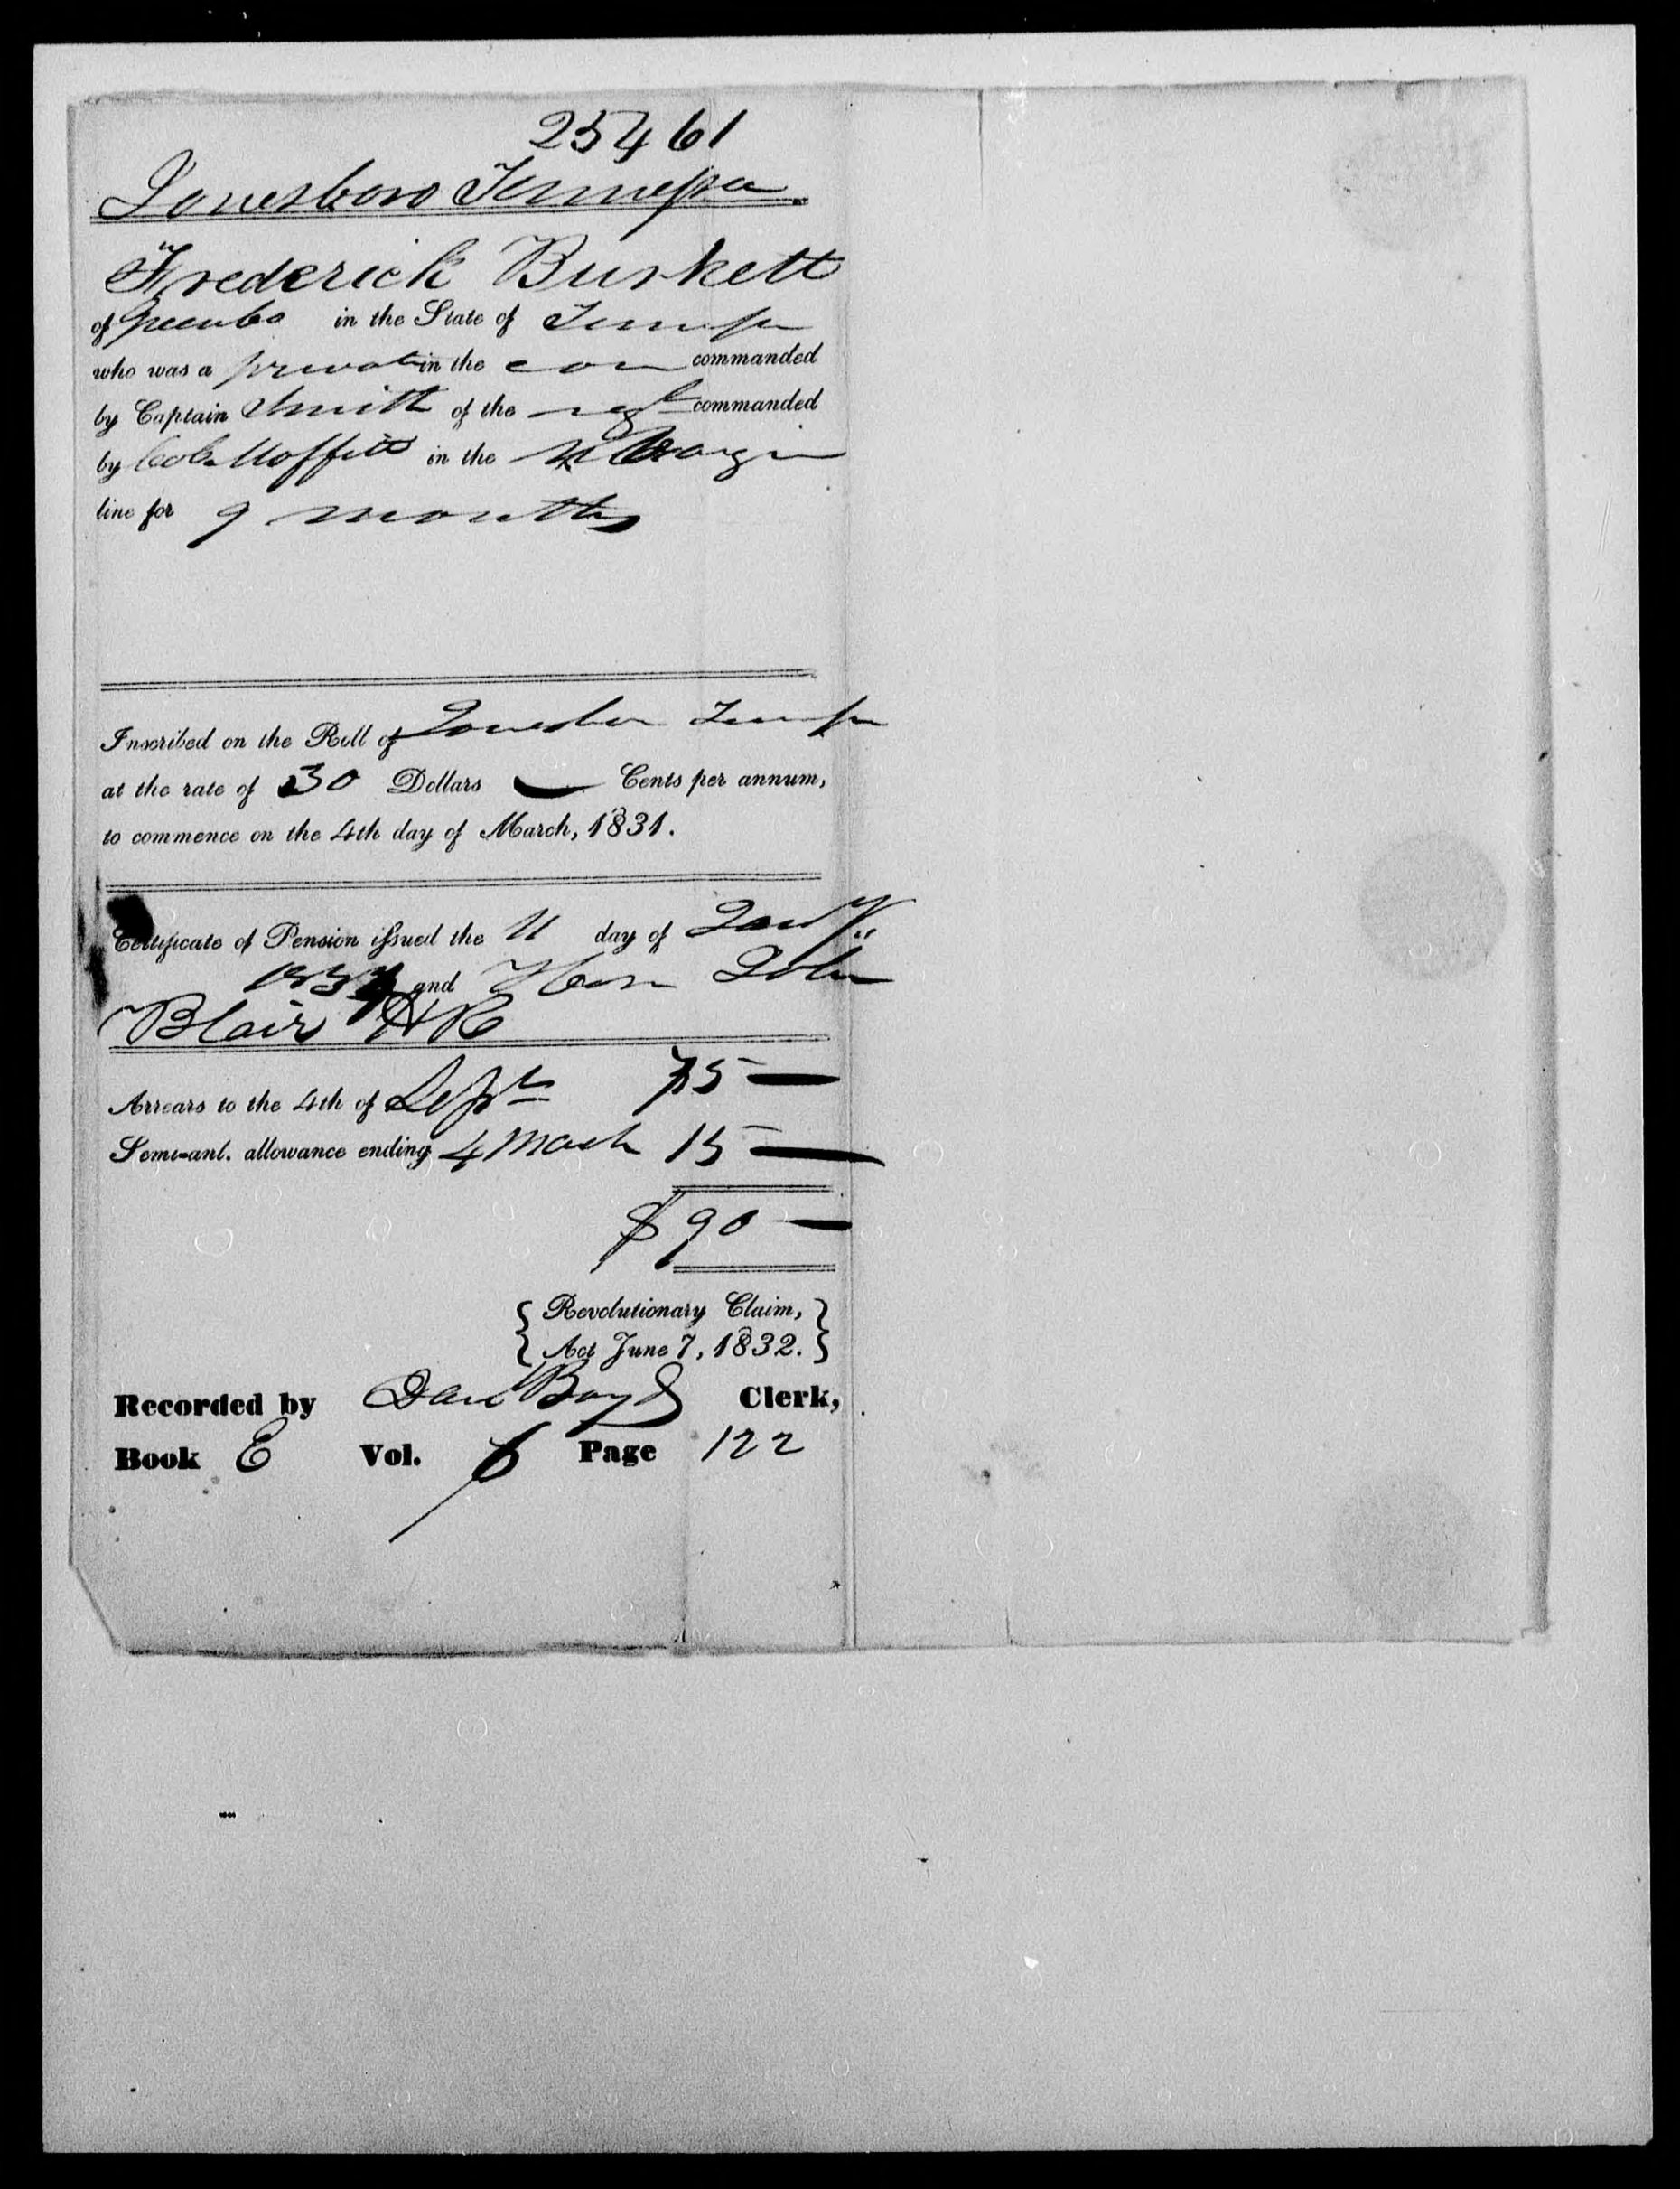25461
Jonesboro Tennessee
Frederick Burkett
of Greenbo in the State of Tennessee
who was a private in the con commanded
by Captain Smith of the Regt commanded 
by Col Moffitt in the Virginia
line for 9 months

Inscribed on the Roll of Jonesbor Tennessee 
at the rate of 30 Dollars – cents per annum,
to commence on the 4th day of March 1831.
Certificate of Pension issued the 11 day of Jany
1833 and Hon John 
Blair HR

Arrears to the 4th of Sept   		       75 –
Semi-anl. allowance ending 4 March     15 –
						               $90 –

Revolutionary Claim,}
Act June 7, 1832}

Recorded by Danl Boyd Clerk,

Book E Vol. 6 Page 122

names: Danl Boyd, John Blair, Moffitt, Smith, Frederick Burkett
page: 2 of 47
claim: survivor's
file: S. 3102, Frederick Burket, Va.